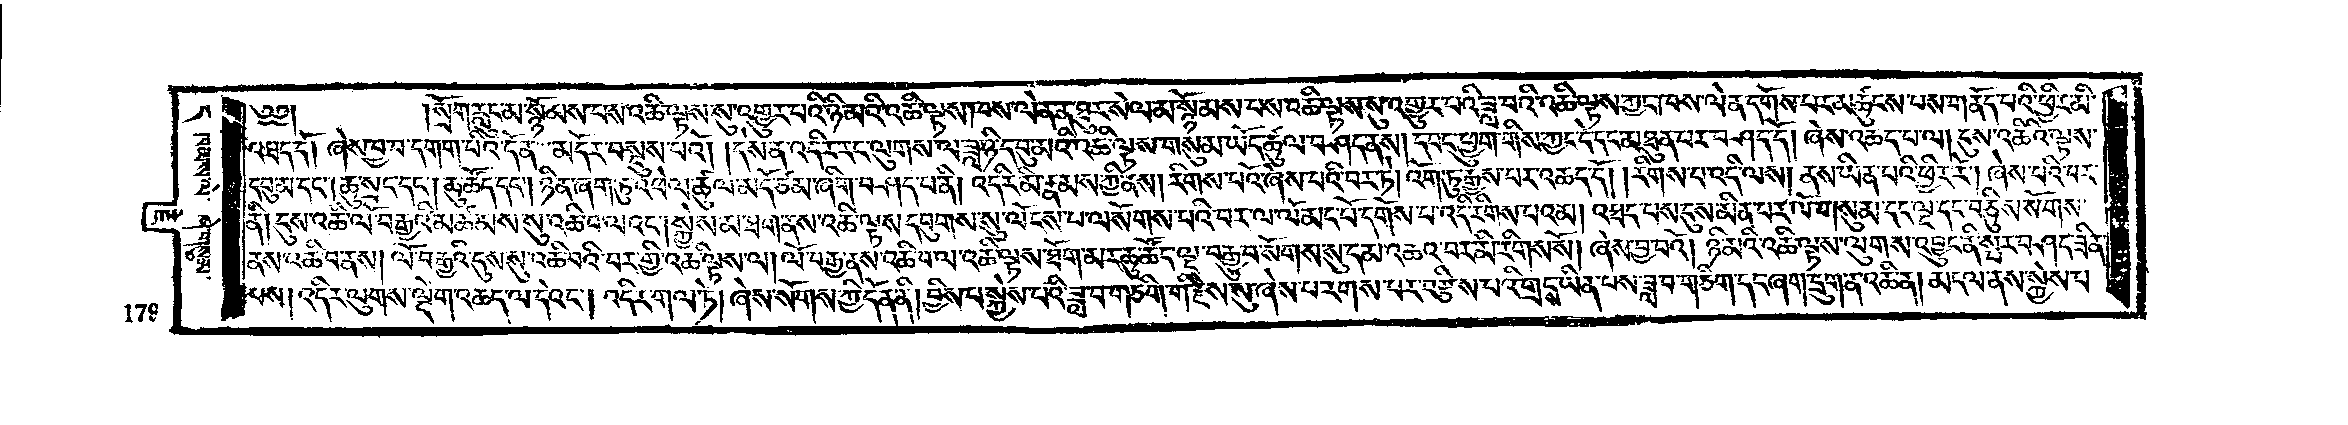༄༅། །སྲོག་རླུང་མ་སྙོམས་པས་འཆི་ལྟས་སུ་འགྱུར་པའི་ཉི་མའི་འཆི་ལྟས་ཁས་ལེན་ན་ཐུར་སེལ་མ་སྙོམས་པས་འཆི་ལྟས་སུ་འགྱུར་པའི་ཟླ་བའི་འཆི་ལྟས་ཀྱང་ཁས་ལེན་དགོས་པར་མཚུངས་པས་གནོད་པའི་ཕྱིར་མི་
འཐད་དོ། ཞེས་བྱ་བ་དགག་པའི་དོན་མདོར་བསྡུས་པའོ། །དེས་ན་འདིར་རང་ལུགས་ལ་ཟླ་ཉི་དབུ་མའི་འཆི་ལྟས་གསུམ་ཡོད་ཚུལ་བཤད་ནས། དབང་ཕྱུག་གིས་ཀྱང་དེ་དང་མཐུན་པར་བཤད་དོ། ཞེས་འཆད་པ་ལ། དུས་འཆིའི་ལྟས་
དབུ་མ་དང་། ཆུ་སྲང་དང་། ཆུ་ཚོད་དང་། ཉིན་ཞག་ཏུ་འཕེལ་ཚུལ་མདོ་ཙམ་ཞིག་བཤད་པ་ནི། འདིར་མི་རྣམས་ཀྱི་ནས། རིགས་པའོ་ཞེས་པའི་བར་ཏེ། འོག་ཏུ་རྒྱས་པར་འཆད་དོ། །རིགས་པ་འདི་ལས། ནས་ཡིན་པའི་ཕྱིར་རོ། ཞེས་པའི་བར་
ནི། དུས་འཆི་ལོ་བརྒྱའི་མཚམས་སུ་འཆི་བ་ལའང་། སྐྱེས་མ་ཐག་ནས་འཆི་ལྟས་དབུགས་སུ་ལོངས་པ་ལ་སོགས་པའི་བར་ལ་ལོ་མང་པོ་དགོས་པ་འདི་རིགས་པའམ། འཐད་པས་དུས་མིན་པར་ལོ་གསུམ་དང་ལྔ་དང་བཅུ་གཉིས་སོགས་
ནས་འཆི་བ་ནས། ལོ་བརྒྱའི་བའི་དུས་སུ་འཆི་བའི་བར་གྱི་འཆི་ལྟས་ལ། ལོ་བརྒྱ་བས་འཆི་བ་ལ་འཆི་ལྟས་ཐོག་མར་ཆུ་ཚོད་ལྔ་བརྒྱུ་བ་སོགས་སུ་དམ་འཆའ་བར་མི་རིགས་སོ། ཞེས་བྱ་བའོ། ཉི་མའི་འཆི་ལྟས་ལུགས་འབྱུང་ནི་སྤར་བཤད་ཟིན་
པས། འདིར་ལུགས་ལྡོག་འཆད་ལ་དེའང་། འདིར་གལ་ཏེ། ཞེས་སོགས་ཀྱི་དོན་ནི། བྱིས་པ་སྐྱེས་པའི་ཟླ་བ་གཅིག་གི་རྗེས་སུ་ཞེས་པ་རགས་པར་བརྩིས་པའི་གྲངས་ཡིན་པས་ཟླ་བ་གཅིག་དང་ཞག་དྲུག་ན་འཆི་ན། མངལ་ནས་སྐྱེས་པ་